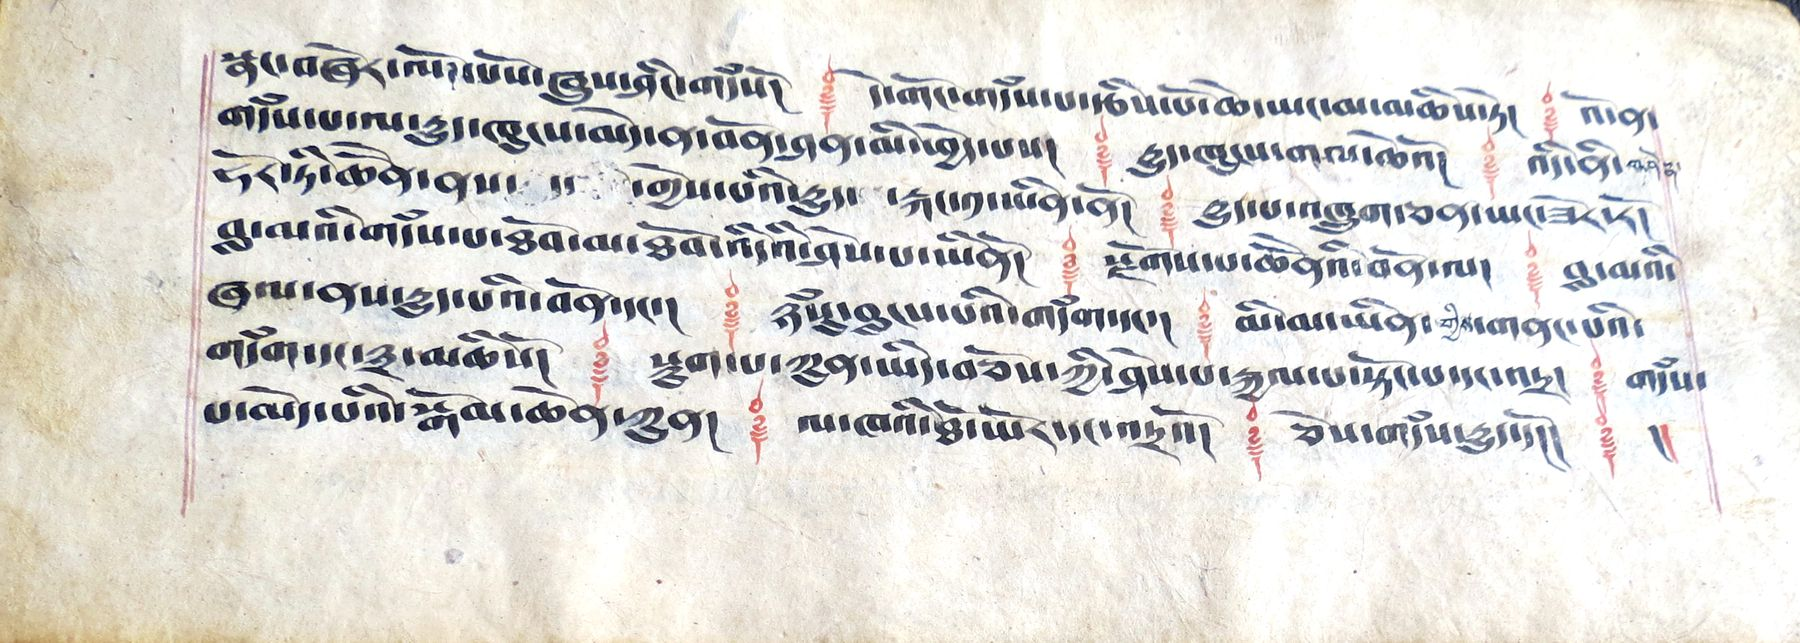སྣང་བཞེར་ལོད་པོས་ཞུས་ཤིང་གདམས་སོ། ། དེ་གོང་གདམས་པ་རྩིས་པོ་ཆེ་ཡང་མ་མཆིས་ཏེ། འོ་ན་
གདམས་པ་ལ་བརྒྱུད་ཁུངས་མེད་ན་བོན་ཤན་མི་ཕྱེད་པས། བརྒྱུད་ཁུངས་གལ་ཆེའོ། ། འདི་ནི་
ཧོར་ཏི་ཆེན་པོ་ནས་བརྒྱུད་ཅིང་གྱེས་པའི་བརྒྱུད་པ་རྐང་གཅིག་ཡིན་ནོ། ། བརྒྱུད་པ་འཁྲུག་ཅན་ཡང་ཟེར་རོ། ། 
བླ་མའི་གདམས་པ་ཐོབ་མ་ཐོབ་འདིས་ཤེས་པ་ཡིན་ནོ། ། རྫོགས་པ་ཆེན་པོའི་བོན་ལ། བླ་མའི་
ཞལ་ནས་བརྒྱུད་པའི་བོན་དང་། ཉམས་སུ་བླངས་པའི་གདམས་ངག་དང་། མི་མ་ཡིན་ལ་གནང་བའི་
གདམས་ངག་དང་གསུམ་མཆིས་སོ། ། སྡུག་པ་ཀུན་ཡིད་བཅོས་ཀྱིས་ཤེས་པ་ཀྱལ་པ་སྟོང་པ་དང་འདྲ། གདམས་
པ་མེད་པའི་སྒོམ་ཆེན་ཀུན། ལ་ཁའི་ཐོ་ཡོར་དང་འདྲའོ། ། ཞེས་གདམས་བརྒྱུད་དོ། །